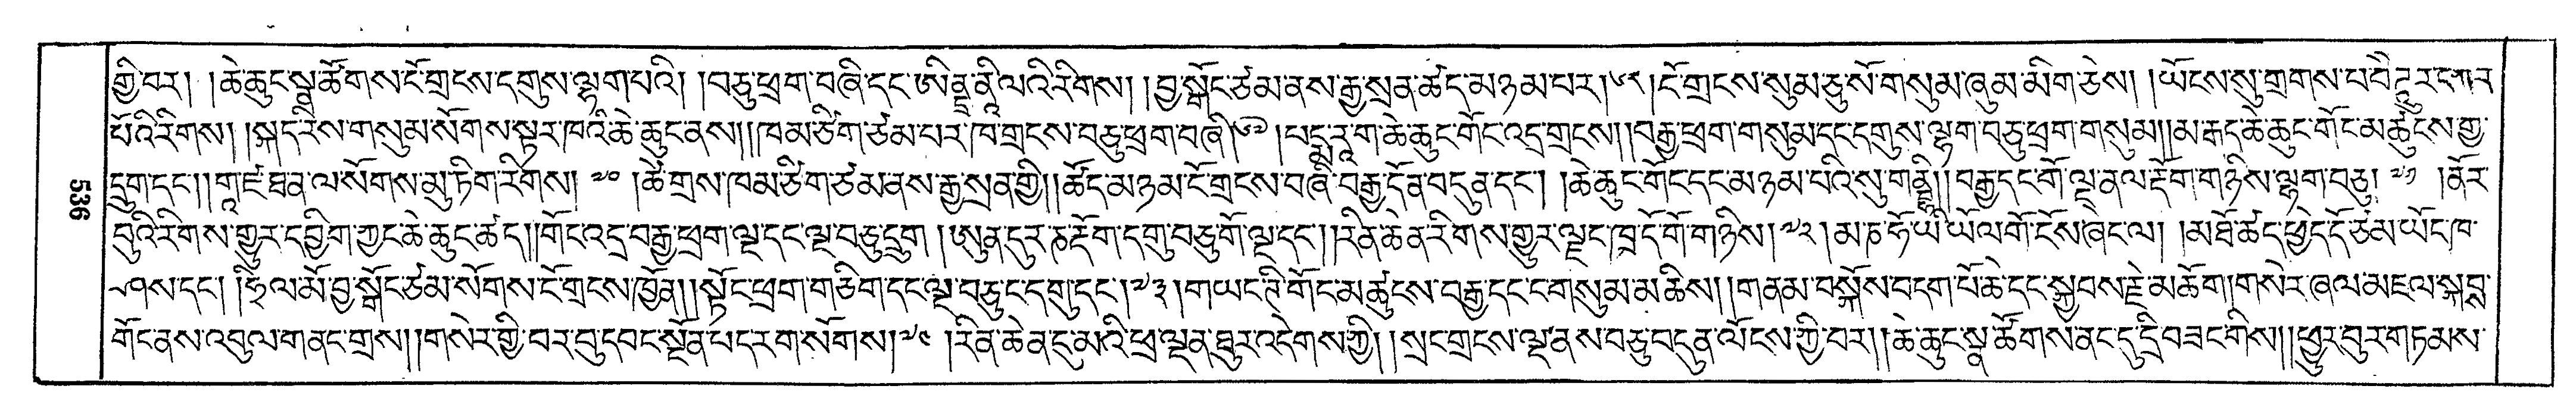གྱི་བར། །ཆེ་ཆུང་སྣ་ཚོགས་ངོ་གྲངས་དགུས་ལྷག་པའི། །བཅུ་ཕྲག་བཞི་དང་ཨིནྡྲ་ནཱི་ལའི་རིགས། བྱ་སྒོང་ཙམ་ནས་རྒྱ་སྲན་ཚང་མཉམ་བར། ༦༨་།ངོ་གྲངས་གསུམ་ཅུ་སོ་གསུམ་ཞུམ་མིག་ཅེས། །ཡོངས་སུ་གྲགས་པ་བཻ་ཌཱུར་དཀར་
པོའི་རིགས། །སྐུད་རིས་གསུམ་སོགས་སྟར་ཁའི་ཆེ་ཆུང་ནས། །ཁམ་ཙིག་ཙམ་བར་ཁ་གྲངས་བཅུ་ཕྲག་བཞི། ༦༧་།པདམ་རཱ་ག་ཆེ་ཆུང་གོང་འདྲ་གྲངས། །བརྒྱ་ཕྲག་གསུམ་དང་དགུས་ལྷག་བཅུ་ཕྲག་གསུམ། །མརྒད་ཆེ་ཆུང་གོང་མཚུངས་གྱ་
དྲུག་དང་། །གཱ་ཛ་ཐ་ན་ལ་སོགས་མུ་ཏིག་རིགས། ༧༠་།ཆེ་གྲས་ཁམ་ཙིག་ཙམ་ནས་རྒྱ་སྲན་གྱི། །ཚོད་མཉམ་ངོ་གྲངས་བཞི་བརྒྱ་དོན་བདུན་དང་། །ཆེ་ཆུང་གོང་དང་མཉམ་པའི་སུ་གནྡྷི། །བརྒྱ་དང་གོ་ལྔ་ནལ་རྡོག་གཉིས་ལྷག་བཅུ། ༧༡་།ནོར་
བུའི་རིགས་གྱུར་དབྱིག་ཀྱང་ཆེ་ཆུང་ཚད། །གོང་འདྲ་བརྒྱ་ཕྲག་ལྔ་དང་ལྔ་བཅུ་དྲུག །ཨུན་དུར་ཎ་རྡོག་དགུ་བཅུ་གོ་ལྔ་དང་། །རིན་ཆེན་རིགས་གྱུར་ལྗང་ཁྲ་ངོ་གོ་གཉིས། ༧༢་།མ་ཎ་ཧོ་ཡི་ཡོལ་གོ་ངོས་ཞེང་ལ། །མཐོ་ཚད་ཕྱེད་དོ་ཙམ་ཡོད་ཁ་
ཤས་དང་། །ཕྲིལ་མོ་བྱ་སྒོང་ཙམ་སོགས་ངོ་གྲངས་ཁྱོན། །སྟོང་ཕྲག་གཅིག་དང་ལྔ་བཅུ་ང་དགུ་དང་། ༧༣་།གཡང་ཊི་གོང་མཚུངས་བརྒྱ་དང་ང་གསུམ་མཆིས། །གནམ་བསྐོས་བདག་པོ་ཆེ་དང་སྐྱབས་རྗེ་མཆོག །གསེར་ཞལ་མཇལ་སྐབས་
གོང་ནས་འབུལ་གནང་གྲས། །གསེར་གྱི་པར་བུ་དབང་སྔོན་པད་རག་སོགས། ༧༤་།རིན་ཆེན་དུ་མའི་ཕྲ་ལྡན་ཐུར་འདེབས་ཀྱི། །སྲང་གྲངས་ལྔ་ནས་བཅུ་བདུན་ལོངས་ཀྱི་བར། །ཆེ་ཆུང་སྣ་ཚོགས་ནང་དུ་དྲི་བཟང་གིས། །ཕྱུར་བུར་གཏམས་